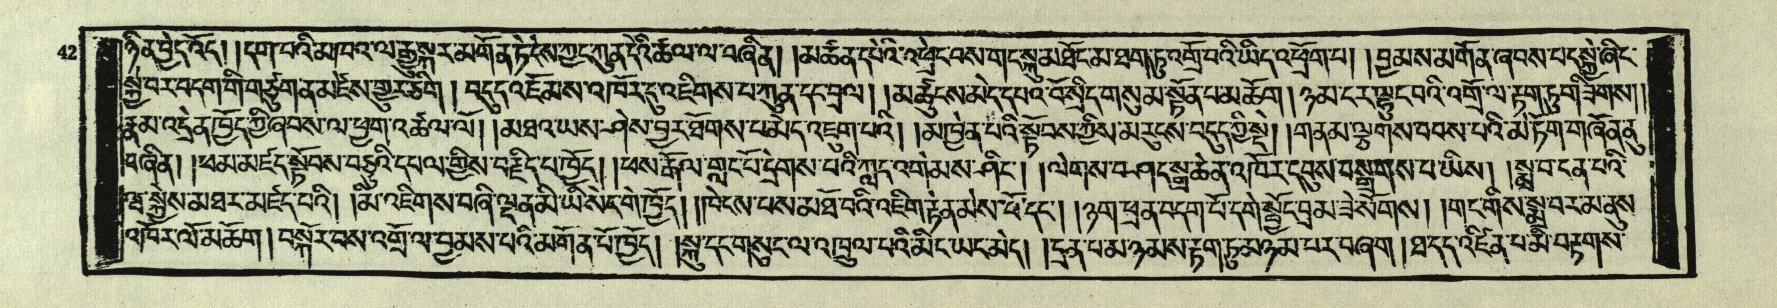ཉིན་བྱེད་འོད། །དག་པའི་མཁའ་ལ་རྒྱུ་སྐར་མགོན་ཏེ་ངེས་ཀྱང་ཀུན་དེའི་ཚལ་ལ་བཞིན། །མཚན་དཔེའི་འཕྲེང་བས་གང་སྐུ་མཐོང་མ་ཐག་ཏུ་འགྲོ་བའི་ཡིད་འཕྲོག་པ། །བྱམས་མགོན་ཞབས་པད་སྐྱེ་ཞིང་
སྐྱེ་བར་བདག་གི་གཙུག་ན་མཛེས་གྱུར་ཅིག། བདུད་འཇོམས་འཁོར་དུ་འཇིགས་པ་ཀུན་དང་བྲལ། །མཚུངས་མེད་དཔའ་བོ་སྲིད་གསུམ་སྟོན་པ་མཆོག །ཉམ་ངར་ལྷུང་བའི་འགྲོ་ལ་རྟག་ཏུ་གཟིགས།།
རྣམ་འདྲེན་ཁྱོད་ཀྱི་ཞབས་ལ་ཕྱག་འཚལ་ལོ། །མཐའ་ཡས་ཤེས་བྱར་ཐོགས་པ་མེད་འཇུག་པའི། །མཁྱེན་པའི་སྟོབས་ཀྱིས་མ་རུངས་བདུད་ཀྱི་སྡེ། །གནམ་ལྕགས་བབས་པའི་མེ་ཏོག་གཞོན་ནུ་
བཞིན། །ཕམ་མཛད་སྟོབས་བཅུའི་དཔལ་གྱིས་བརྗིད་པ་ཁྱོད། །ཕས་རྒོལ་གླང་པོ་དྲེགས་པའི་ཀླད་འགེམས་ཤིང་། །ལེགས་བཤད་སྒྲ་ཆེན་འཁོར་དབུས་བསྒྲགས་པ་ཡིས། །སྨྲ་བ་ངན་པའི་
ཝ་སྐྱེས་མཐར་མཛད་པའི། །མི་འཇིགས་བཞི་ལྡན་མི་ཡི་སེང་གེ་ཁྱོད། །ཁེངས་པས་མཐོ་བའི་འཇིག་རྟེན་མེས་ཕོ་དང་། །ཉག་ཕྲན་བདག་པོ་དགེ་སྦྱོང་བྲམ་ཟེ་སོགས། །གང་གིས་སྨྲ་བར་མ་ནུས་
འཁོར་ལོ་མཆོག །བསྐོར་བས་འགྲོ་ལ་བྱམས་པའི་མགོན་པོ་ཁྱོད། །སྐུ་དང་གསུང་ལ་འཁྲུལ་པའི་མིང་ཡང་མེད། །དྲན་པ་མ་ཉམས་རྟག་ཏུ་མཉམ་པར་བཞག །ཐ་དད་འཛིན་པ་མི་བརྟགས་